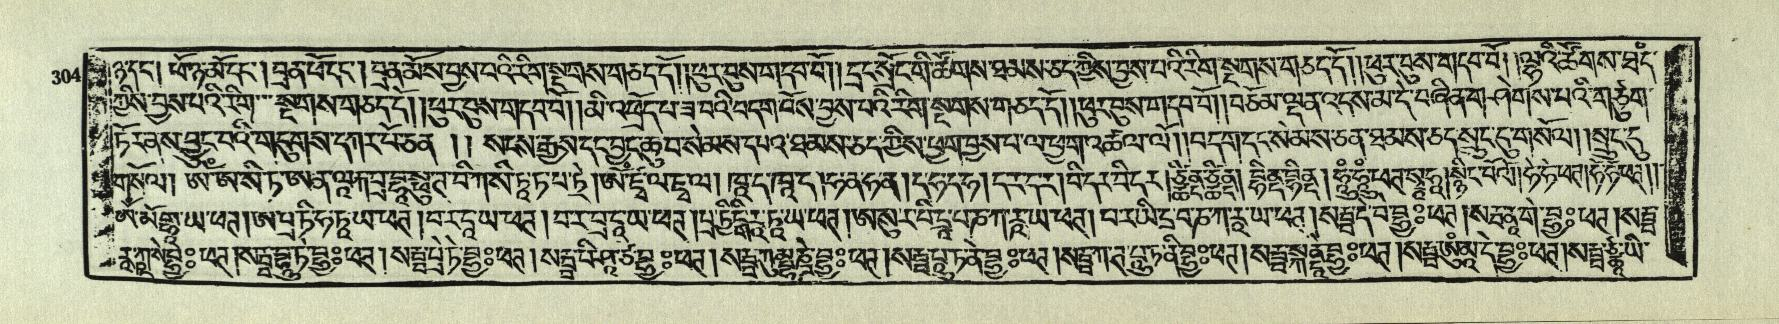ཉ་དང་།ཕོ་ཉ་མོ་དང་།བྲན་ཕོ་དང་།བྲན་མོས་བྱས་པའི་རིག་སྔགས་གཅད་དོ། །ཕུར་བུས་གདབ་བོ། །དྲང་སྲོང་གི་ཚོགས་ཐམས་ཅད་ཀྱིས་བྱས་པའི་རིག་སྔགས་གཅད་དོ། །ཕུར་བུས་གདབ་བོ། །ལྷའི་ཚོགས་ཐཾད་
ཀྱིས་བྱས་པའི་རིག་སྔགས་གཅད་དོ། །ཕུར་བུས་གདབ་བོ། །མི་འཕྲོད་པ་ཟ་བའི་བདག་པོས་བྱས་པའི་རིག་སྔགས་གཅད་དོ། །ཕུར་བུས་གདབ་བོ། །བཅོམ་ལྡན་འདས་མ་དེ་བཞིན་གཤེགས་པའི་གཙུག་
ཏོར་ནས་བྱུང་བའི་གདུགས་དཀར་པོ་ཅན་།། སངས་རྒྱས་དང་བྱང་ཆུབ་སེམས་དཔའ་ཐམས་ཅད་ཀྱིས་ཕྱག་བྱས་པ་ལ་ཕྱག་འཚལ་ལོ། །བདག་དང་སེམས་ཅན་ཐམས་ཅད་སྲུང་དུ་གསོལ། །སྲུང་དུ་
གསོལ། ཨོཾ་ཨ་སི་ཏ་ཨ་ན་ལཱརྐ་པྲ་བྷཱ་སྥུ་ཊ་བི་ཀ་སི་ཏཱ་ཏ་པ་ཏྲེ་།ཨོཾ་ཛྭ་ལ་ཇྭ་ལ། ཁཱ་ད་ཁཱ་ད་།ཧ་ན་ཧ་ན། ད་ཧ་ད་ཧ་།ད་ར་ད་ར་།བི་དར་བི་དར་།ཙིནྪང་ཙིནྪང་།བྷིནྡ་བྷིནྡ་།ཧཱུཾ་ཧཱུཾ་ཕཊ་སྭཱཧཱ་།སྙིང་པོའོ། །ཧེ་ཧེ་ཕཊ་།ཧོ་ཧོ་ཕཊ།།
ཨོཾ་མོགྷཱ་ཡ་ཕཊ་།ཨ་པྲ་ཏི་ཧ་ཏཱ་ཡ་ཕཊ་།བ་ར་དཱ་ཡ་ཕཊ་།བ་ར་པྲ་ངཱ་ཡ་ཕཊ་།པྲ་ཏྱིངྒི་རཱ་ཏཱ་ཡ་ཕཊ་།ཨ་སུ་ར་པི་དྲཱ་པ་ཎ་ཀ་རྵ་ཡ་ཕཊ། པ་ར་ཡི་དྲ་བ་ཎ་རཱ་ཡ་ཕཊ་།སརྦྦ་དེ་བེ་བྷྱཿཕཊ་།སརྦ་ནཱ་གེ་བྷྱཿཕཊ་།སརྦྦ་
རཱ་ཀྵ་སེབྷྱཿཕཊ་།སརྦྦ་བྷཱུ་ཏེ་བྷྱཿཕཊ་།སརྦྦ་པྲེ་ཏེ་བྷྱཿཕཊ་།སརྦྦ་པི་ཤཱ་ཙ་བྷྱཿཕཊ་།སརྦྦ་ཀུ་མྥཎྜེ་བྷྱཿཕཊ་།སརྦྦ་པཱུ་ཏ་ནེ་བྷྱཿཕཊ་།སརྦྦ་ཀ་ཊ་པཱུ་ཏ་ནི་བྷྱཿཕཊ་།སརྦྦ་སྐནྡཱི་བྷྱཿཕཊ་།སརྦྦ་ཨུཾ་མཱ་དེ་བྷྱཿཕཊ་།སརྦྦ་ཙྪཱ་ཡི་